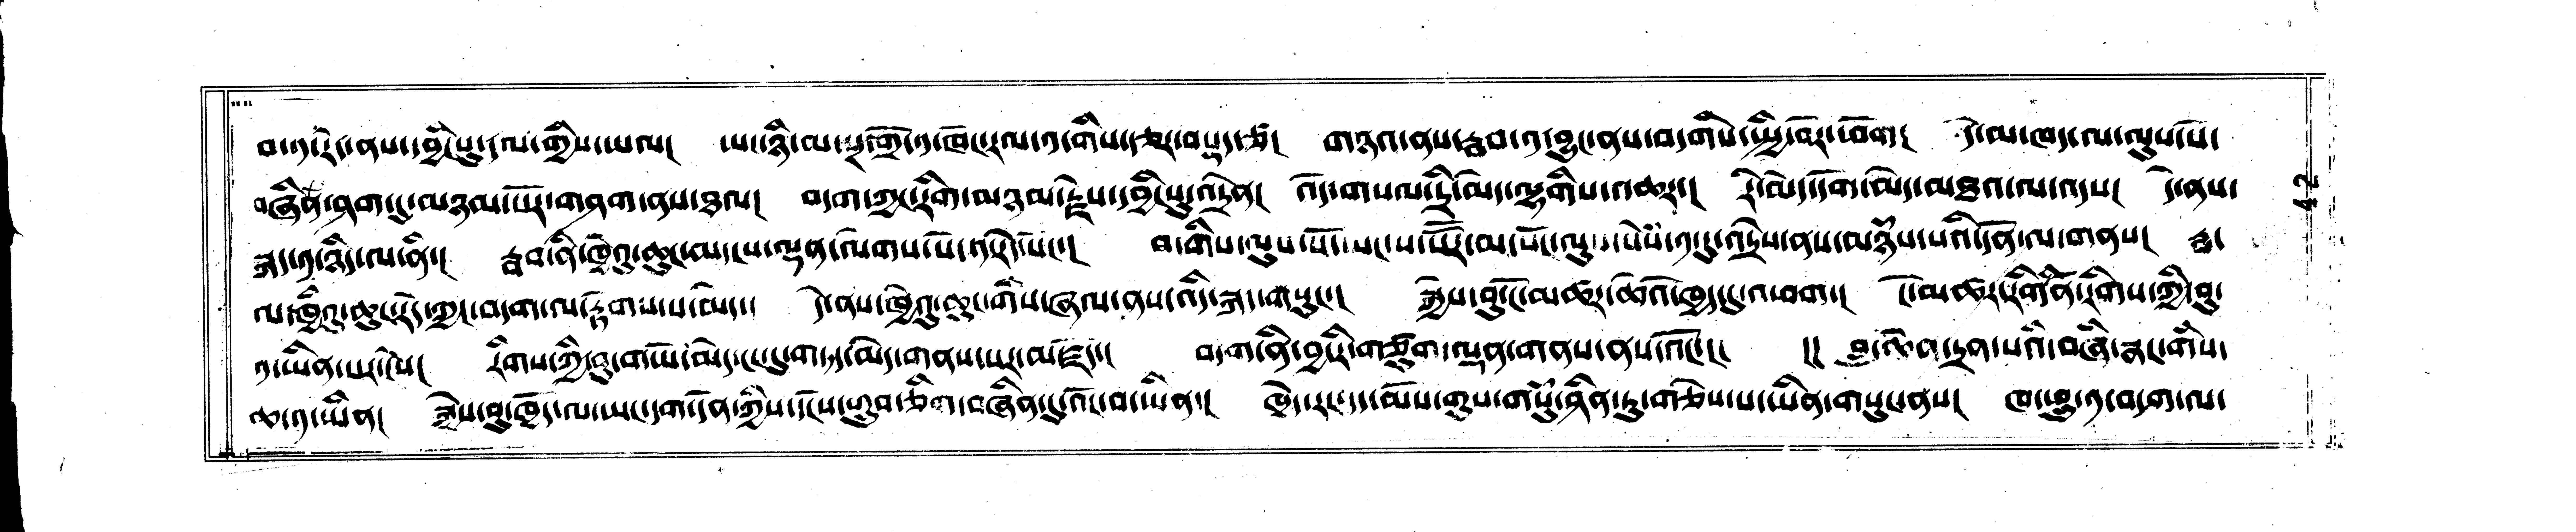བ་གཅིག་རེད་ནས་དབྱིངས་སུ་དལ་གྱིས་ཡལ། ཡང་ཉི་མ་སྔ་དྲོ་གཅིག་ཁོང་རལ་གཅིག་གིས་རྩར་བསྡད་ཙ། གཉའ་ནས་རྦབ་གཅིག་བྱུང་ནས་བདག་གིས་སྤྱི་བོར་ཕོག དེ་མ་ཁད་ལ་ལུས་པོ་
བཞི་ཤག་དུ་མཉམ་པོར་གཤག་ནས་ཐལ། བདག་ཀྱང་རིག་མཉམ་རྗེས་དབྱིངས་སུ་འདྲེན། འོད་གསལ་དྲི་མེད་ལྷག་གིས་འཆར། རེ་མེད་དོགས་མེད་མཐའ་ལ་འདས། དེ་ནས་
སྐད་ཅིག་ཉིད་ལ་ནི། རྦབ་ནི་ཁྱེའུ་ཆུང་མདངས་ལྡན་ལེགས་སོ་གཅིག་རེད་སོང་། བདག་གིས་ལུས་པོ་ཡང་ས་སོ་སོར་མ་སོང་ལུས་སེམས་གཅིག་དུ་འདྲེས་ནས་མཉམ་པའི་དོན་ལ་གནས། རྦ་
ལ་ཁྱིའུ་ཆུང་རེད་ཀྱང་བདག་ལ་རྟོགས་པ་མེད། དེ་ནས་ཁྱེའུ་ཆུང་གིས་ཞལ་ནས་འདི་སྐད་གསུང་། སྐྱེས་བུ་ངོ་མཚར་ཆེའོ་ཁྱད་དུ་འཕག ངོ་མཚར་རིག་འཛིན་རིགས་ཀྱི་བུ་
གཅིག་ཡིན་པར་ངེས། རིགས་ཀྱི་བུ་གཡོ་མེད་ངང་དུ་གཏད་མེད་གནས་པར་མཛོད། བདག་ནི་བྱ་རི་གཙུག་ལྡན་གནས་ནས་འོང་། །བླ་ཆེན་དྲན་པའི་བཞི་སྣང་གིས་
ཆ་གཅིག་ཡིན། སྐྱེས་བུ་ཁྱོད་ལ་ཡང་དག་དོན་གྱིས་དངོས་གྲུབ་ཅིག་བཞིན་དུ་འོང་བ་ཡིན། ཁྱེད་རང་དད་མོས་གུས་གསུམ་ཤིན་ཏུ་གཅེས་པ་ཡིན་གསུང་ནས། ཁ་ཕྲུ་གཅིག་བདག་ལ་